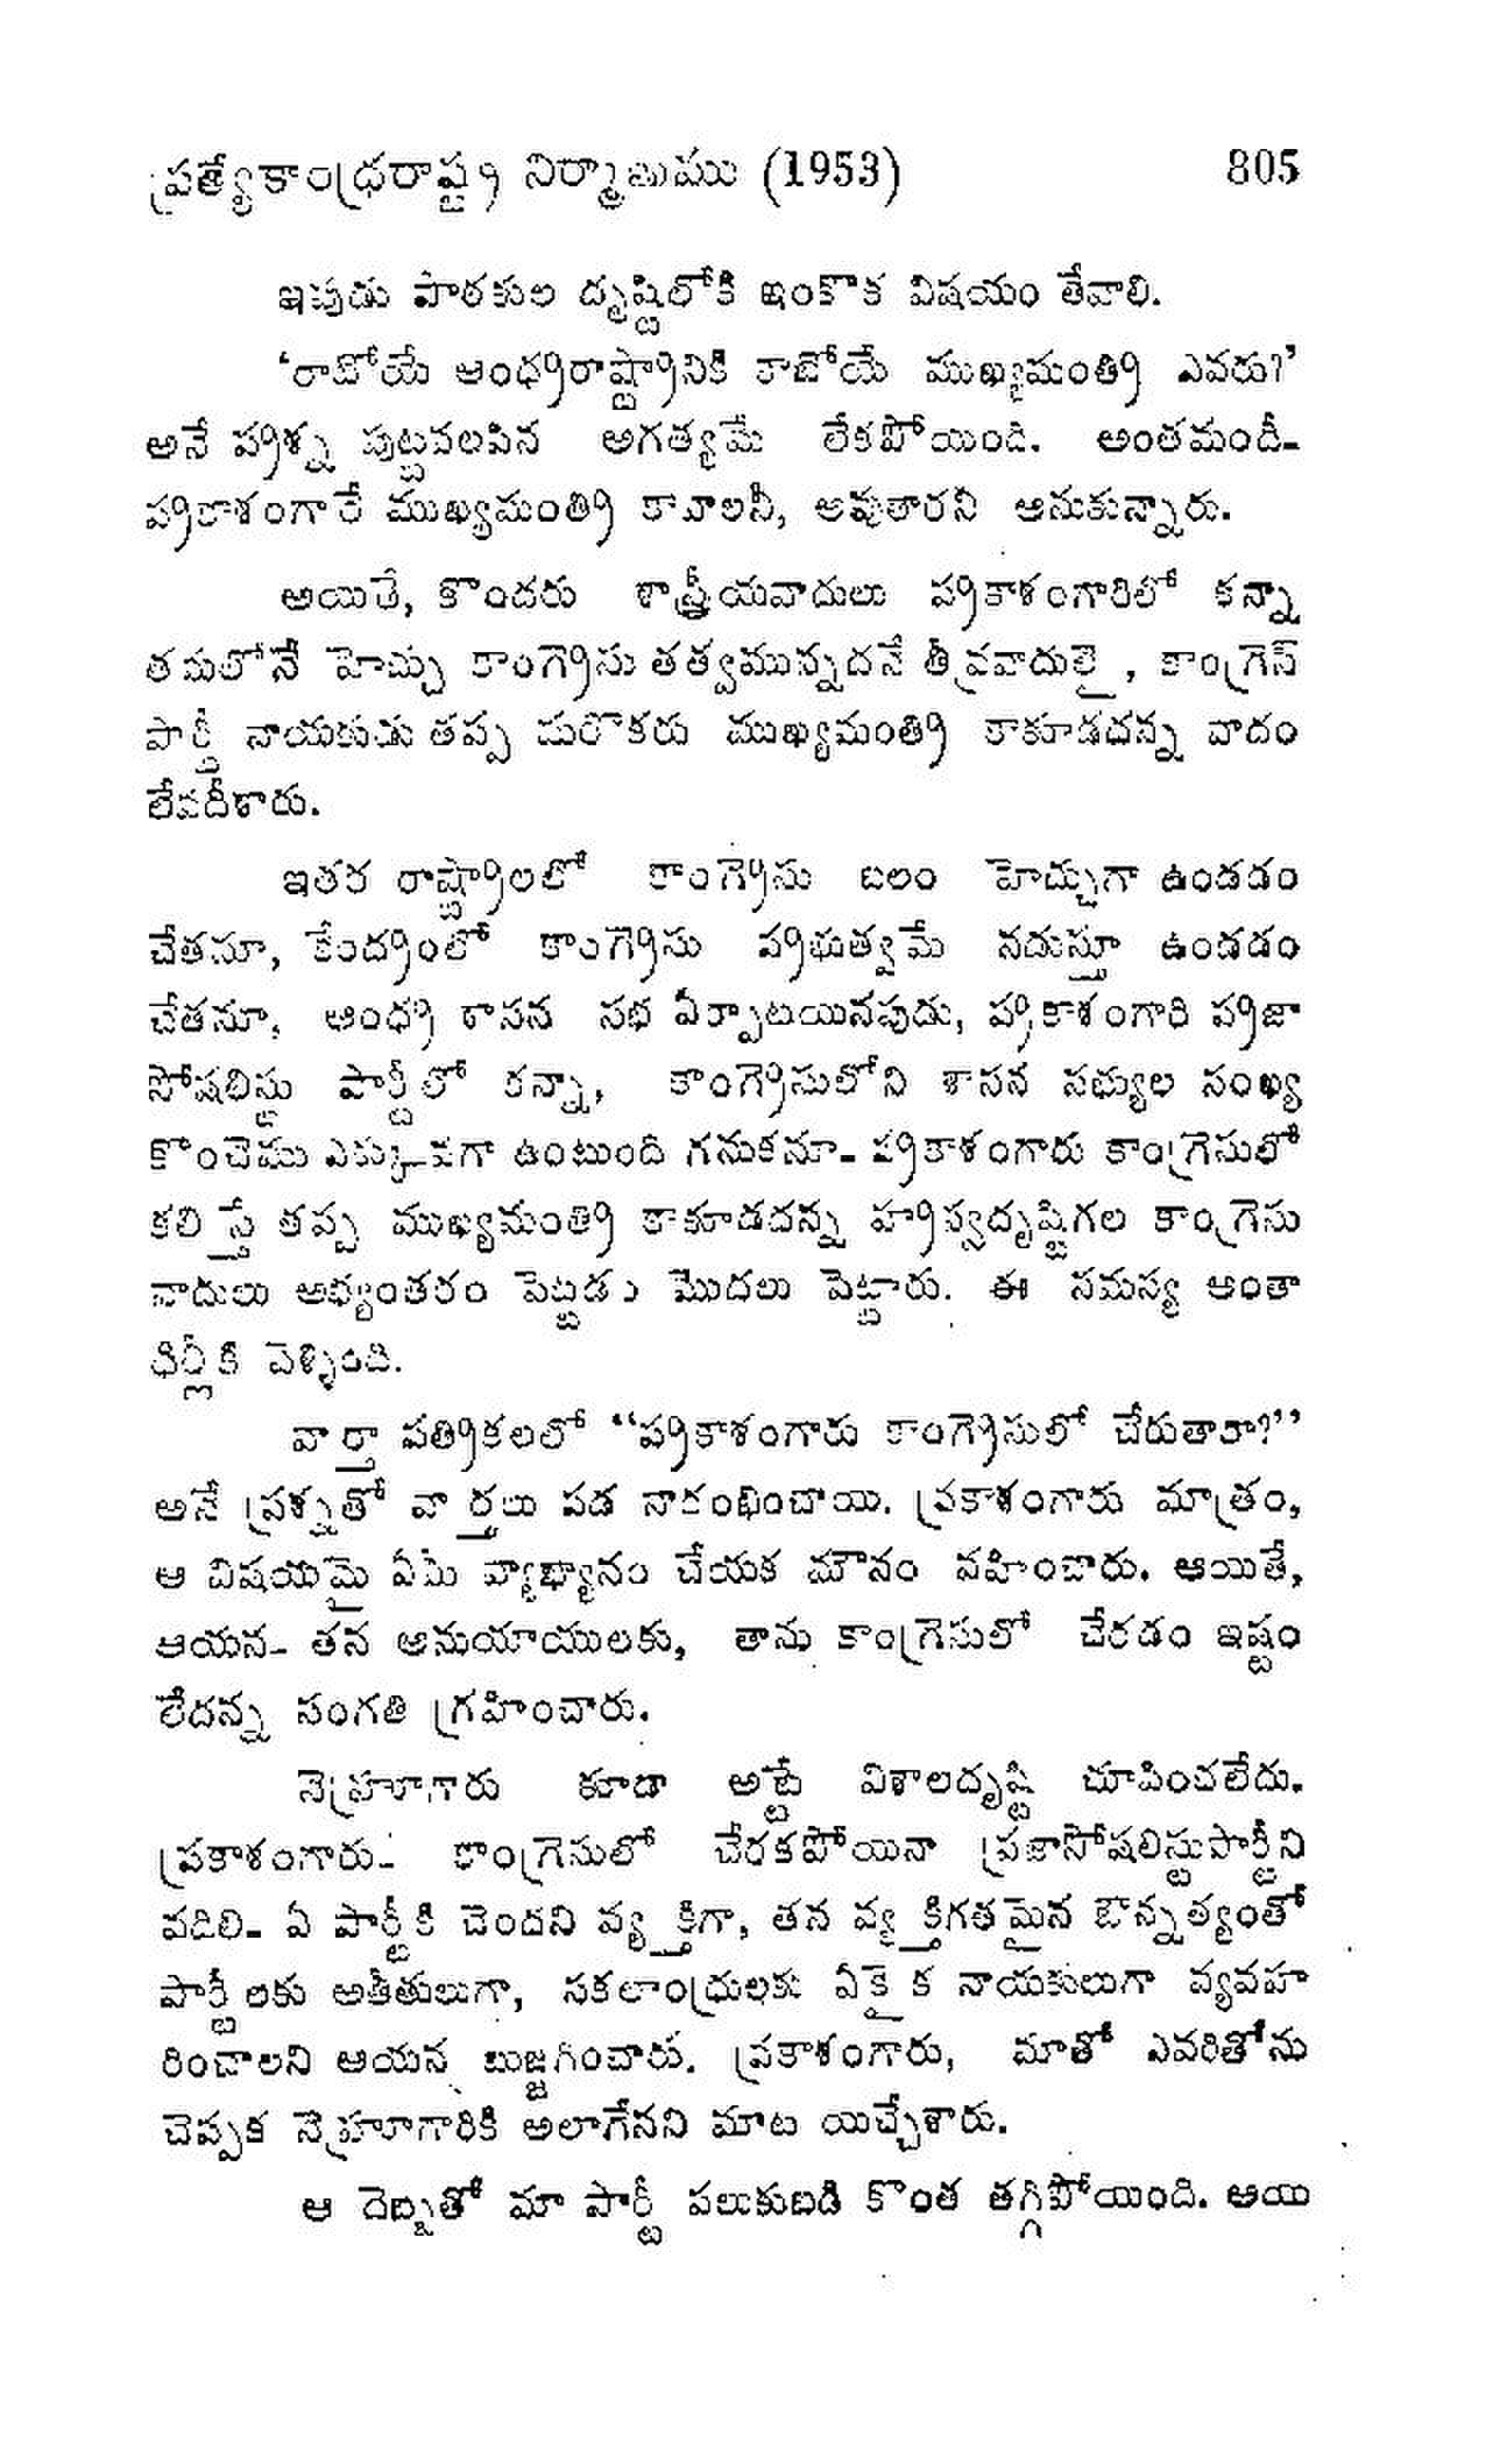ఇపుడు పాఠకుల దృష్టిలోకి ఇంకొక విషయం తేవాలి.

'రాబోయే ఆంధ్రరాష్ట్రానికి కాబోయే ముఖ్యమంత్రి ఎవరు?' అనే ప్రశ్న పుట్టవలసిన అగత్యమే లేకపోయింది. అంతమందీ - ప్రకాశంగారే ముఖ్యమంత్రి కావాలనీ, అవుతారని అనుకున్నారు.

అయితే, కొందరు శాస్త్రీయవాదులు ప్రకాశంగారిలో కన్నా తమలోనే హెచ్చు కాంగ్రెసు తత్త్వమున్నదనే తీవ్రవాదులై, కాంగ్రెస్ పార్టీ నాయకుడు తప్ప మరొకరు ముఖ్యమంత్రి కాకూడదన్న వాదం లేవదీశారు.

ఇతర రాష్ట్రాలలో కాంగ్రెసు బలం హెచ్చుగా ఉండడం చేతనూ, కేంద్రంలో కాంగ్రెసు ప్రభుత్వమే నడుస్తూ ఉండడం చేతనూ, ఆంధ్ర శాసన సభ ఏర్పాటయినపుడు, ప్రకాశంగారి ప్రజా సోషలిస్టు పార్టీలో కన్నా, కాంగ్రెసులోని శాసన సభ్యుల సంఖ్య కొంచెము ఎక్కువగా ఉంటుంది గనుకనూ - ప్రకాశంగారు కాంగ్రెసులో కలిస్తే తప్ప ముఖ్యమంత్రి కాకూడదన్న హ్రస్వదృష్టిగల కాంగ్రెసు వాదులు అభ్యంతరం పెట్టడం మొదలు పెట్టారు. ఈ సమస్య అంతా ఢిల్లీకి వెళ్ళింది.

వార్తా పత్రికలలో "ప్రకాశంగారు కాంగ్రెసులో చేరుతారా?" అనే ప్రశ్నతో వార్తలు పడ నారంభించాయి. ప్రకాశంగారు మాత్రం, ఆ విషయమై ఏమీ వ్యాఖ్యానం చేయక మౌనం వహించారు. అయితే, ఆయన - తన అనుయాయులకు, తాను కాంగ్రెసులో చేరడం ఇష్టం లేదన్న సంగతి గ్రహించారు.

నెహ్రూగారు కూడా అట్టే విశాలదృష్టి చూపించలేదు. ప్రకాశంగారు - కాంగ్రెసులో చేరకపోయినా ప్రజాసోషలిస్టుపార్టీని వదిలి - ఏ పార్టీకి చెందని వ్యక్తిగా, తన వ్యక్తిగతమైన ఔన్నత్యంతో పార్టీలకు అతీతులుగా, సకలాంద్రులకు ఏకైక నాయకులుగా వ్యవహరించాలని ఆయన బుజ్జగించారు. ప్రకాశంగారు, మాతో ఎవరితోను చెప్పక నెహ్రూగారికి అలాగేనని మాట యిచ్చేశారు.

ఆ దెబ్బతో మా పార్టీ పలుకుబడి కొంత తగ్గిపోయింది. అయి